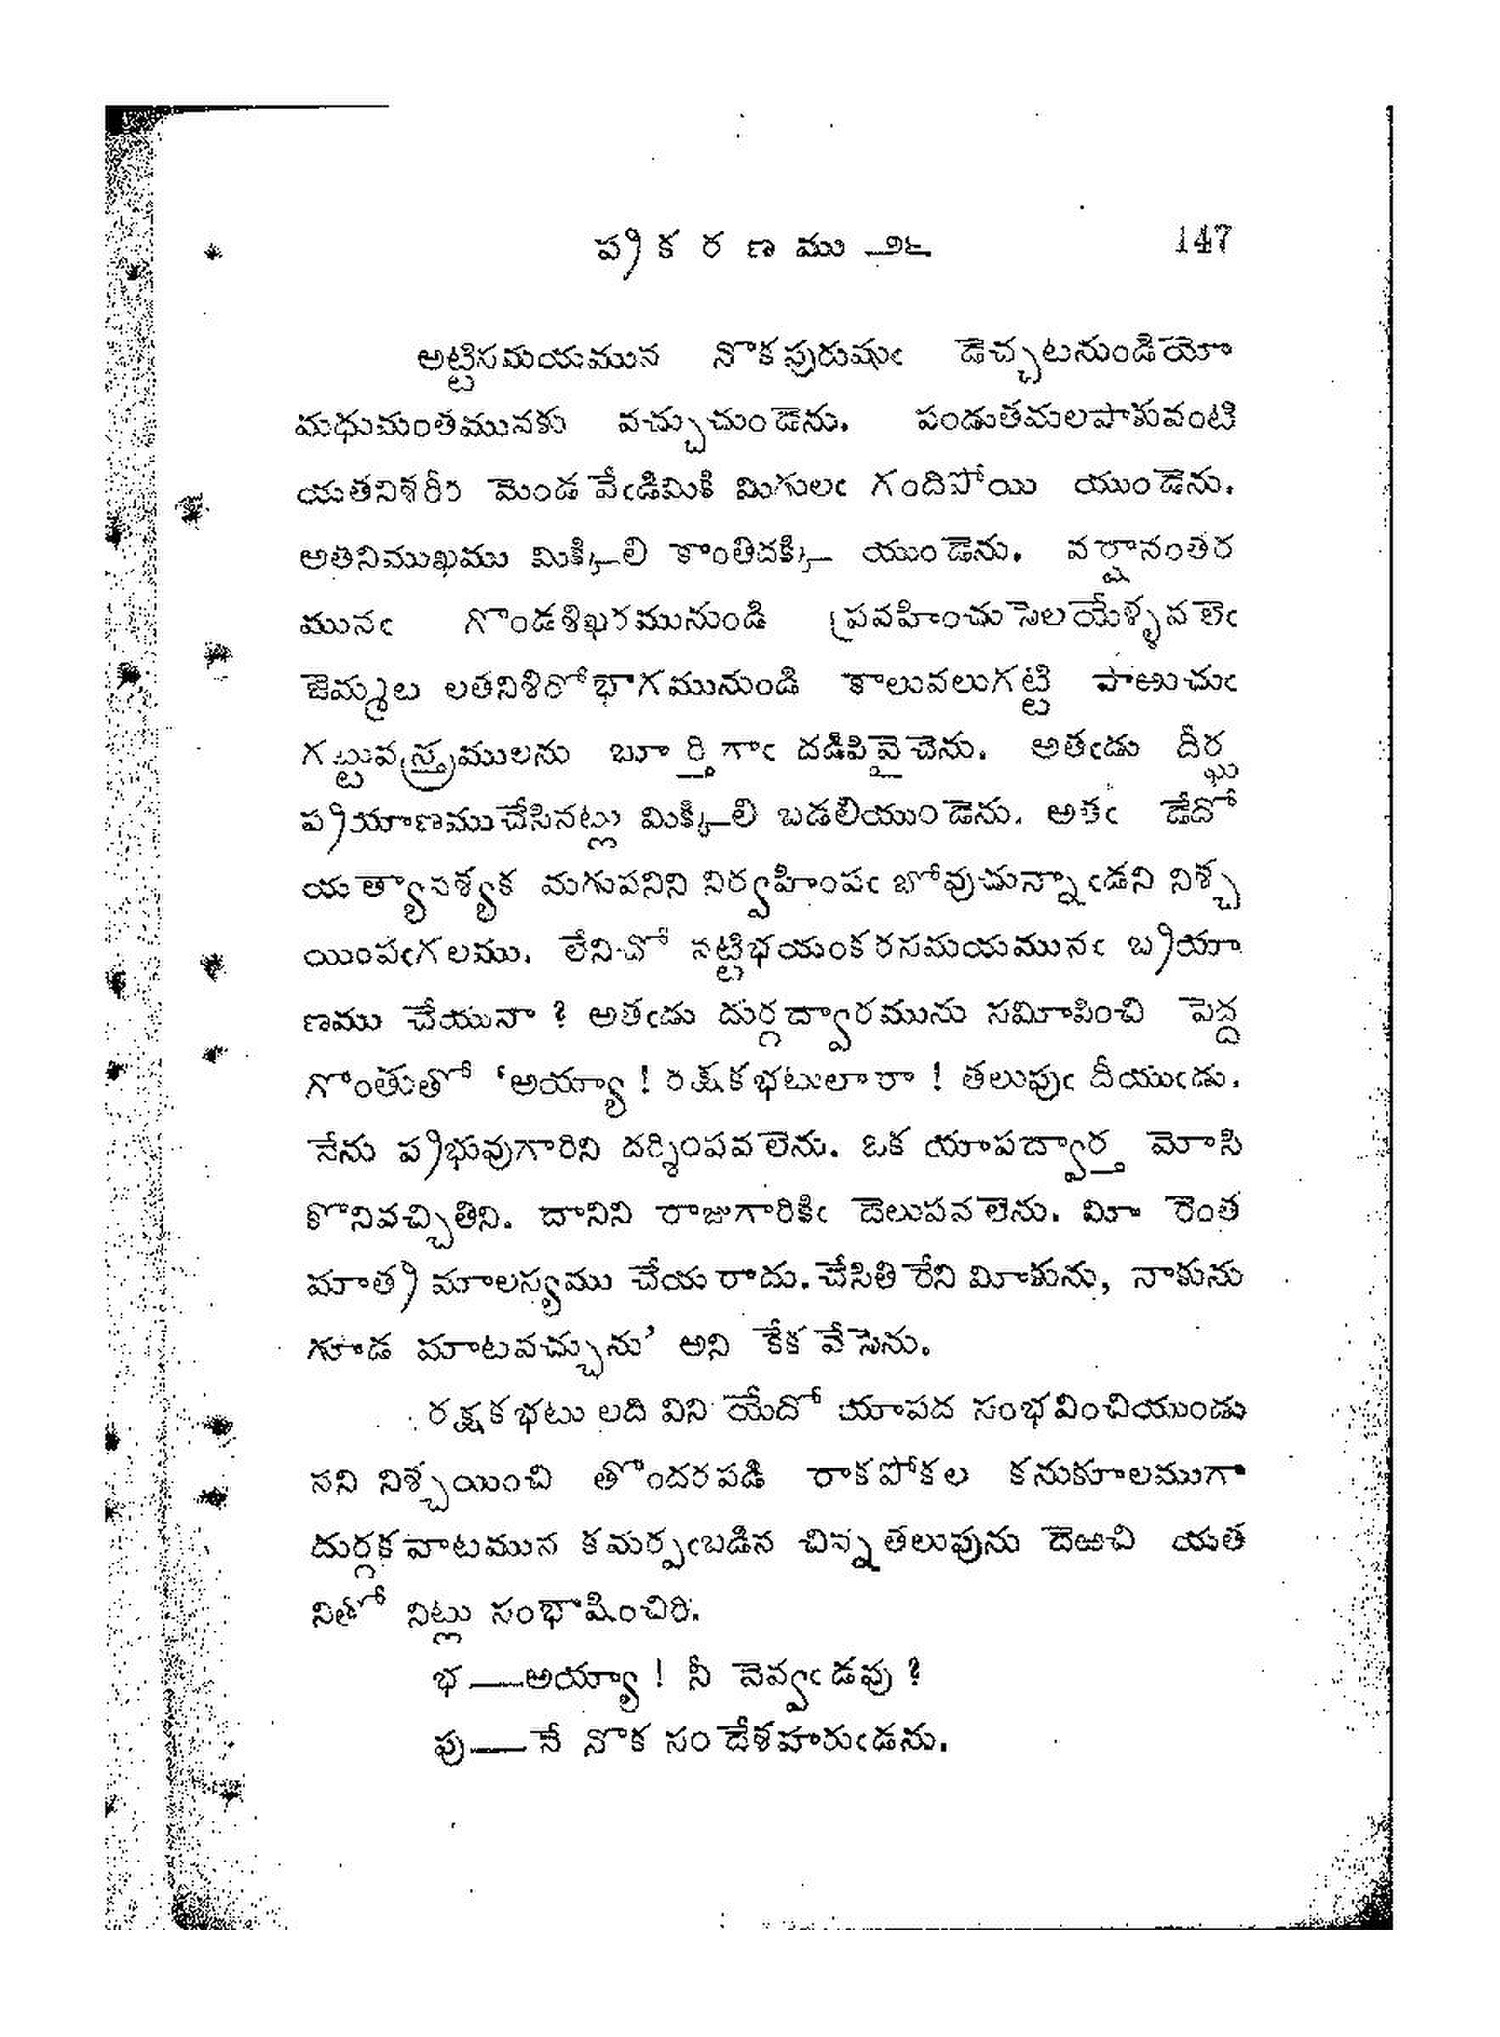అట్టిసమయమున నొక పురుషు డెచ్చటనుండియో
మధుమంతమువకు వచ్చుచు
చుండెను. పండు తమలపాకువంటి
యతనిశరీం మెండ వేడిమికి మిగులఁ గందిపోయి యుండెను.
అతని ముఖము మిక్కిలి కాంతిదక్కి, యుండెను. వర్షానంతర
మునం గొండ శిఖరమునుండి ప్రవహించు సెలయేళ్ళన వలె
జెమ్మట లతనిశిరోభాగమునుండి కాలువలుగట్టి పాఱుచు.
గట్టువస్త్రములను బూర్తి గాఁ దడిపి వైచెను. అతఁడు దీర్ఘ
ప్రయాణము చేసినట్లు మిక్కిలి బడలియుండెను. అతఁ డేదో
య త్యావశ్యక మగుపనిని నిర్వహింపఁ బోవుచున్నాఁడని నిశ్చ
యింపగలము. లేనిచో నట్టి భయంకర సమయమునఁ బ్రయా
ణము చేయునా ? అతఁడు దుర్గ ద్వారమును సమీపించి పెద్ద
గొంతుతో అయ్యా ! రక్షకభటులారా ! తలుపుఁ దీయుఁడు .
నేను ప్రభువుగారిని దర్శింపవలెను. ఒక యాపద్వార్త మోసి
కొనివచ్చితిని. దానిని రాజుగారికిఁ దెలుప వలెను. మీ రెంత
మాత్ర మాలస్యము చేయ రాదు. చేసితీ రేని మీకును, నాకును
గూడ మాటవచ్చును' అని కేక వేసెను.

రక్షక భటు లది విని యేదో యాపద సంభవించియుండు
సని నిశ్చయించి తొందర పడి రాక పోకల కనుకూలముగా
దుర్గక వాటమున కమర్పఁబడిన చిన్న తలుపును దెఱచి యత
నీట్లు సంభాషించిరి.

భ: --అయ్యా ! నీ నెవ్వఁడవు ?

వు: - నే నొక సందేశహరుఁడను.